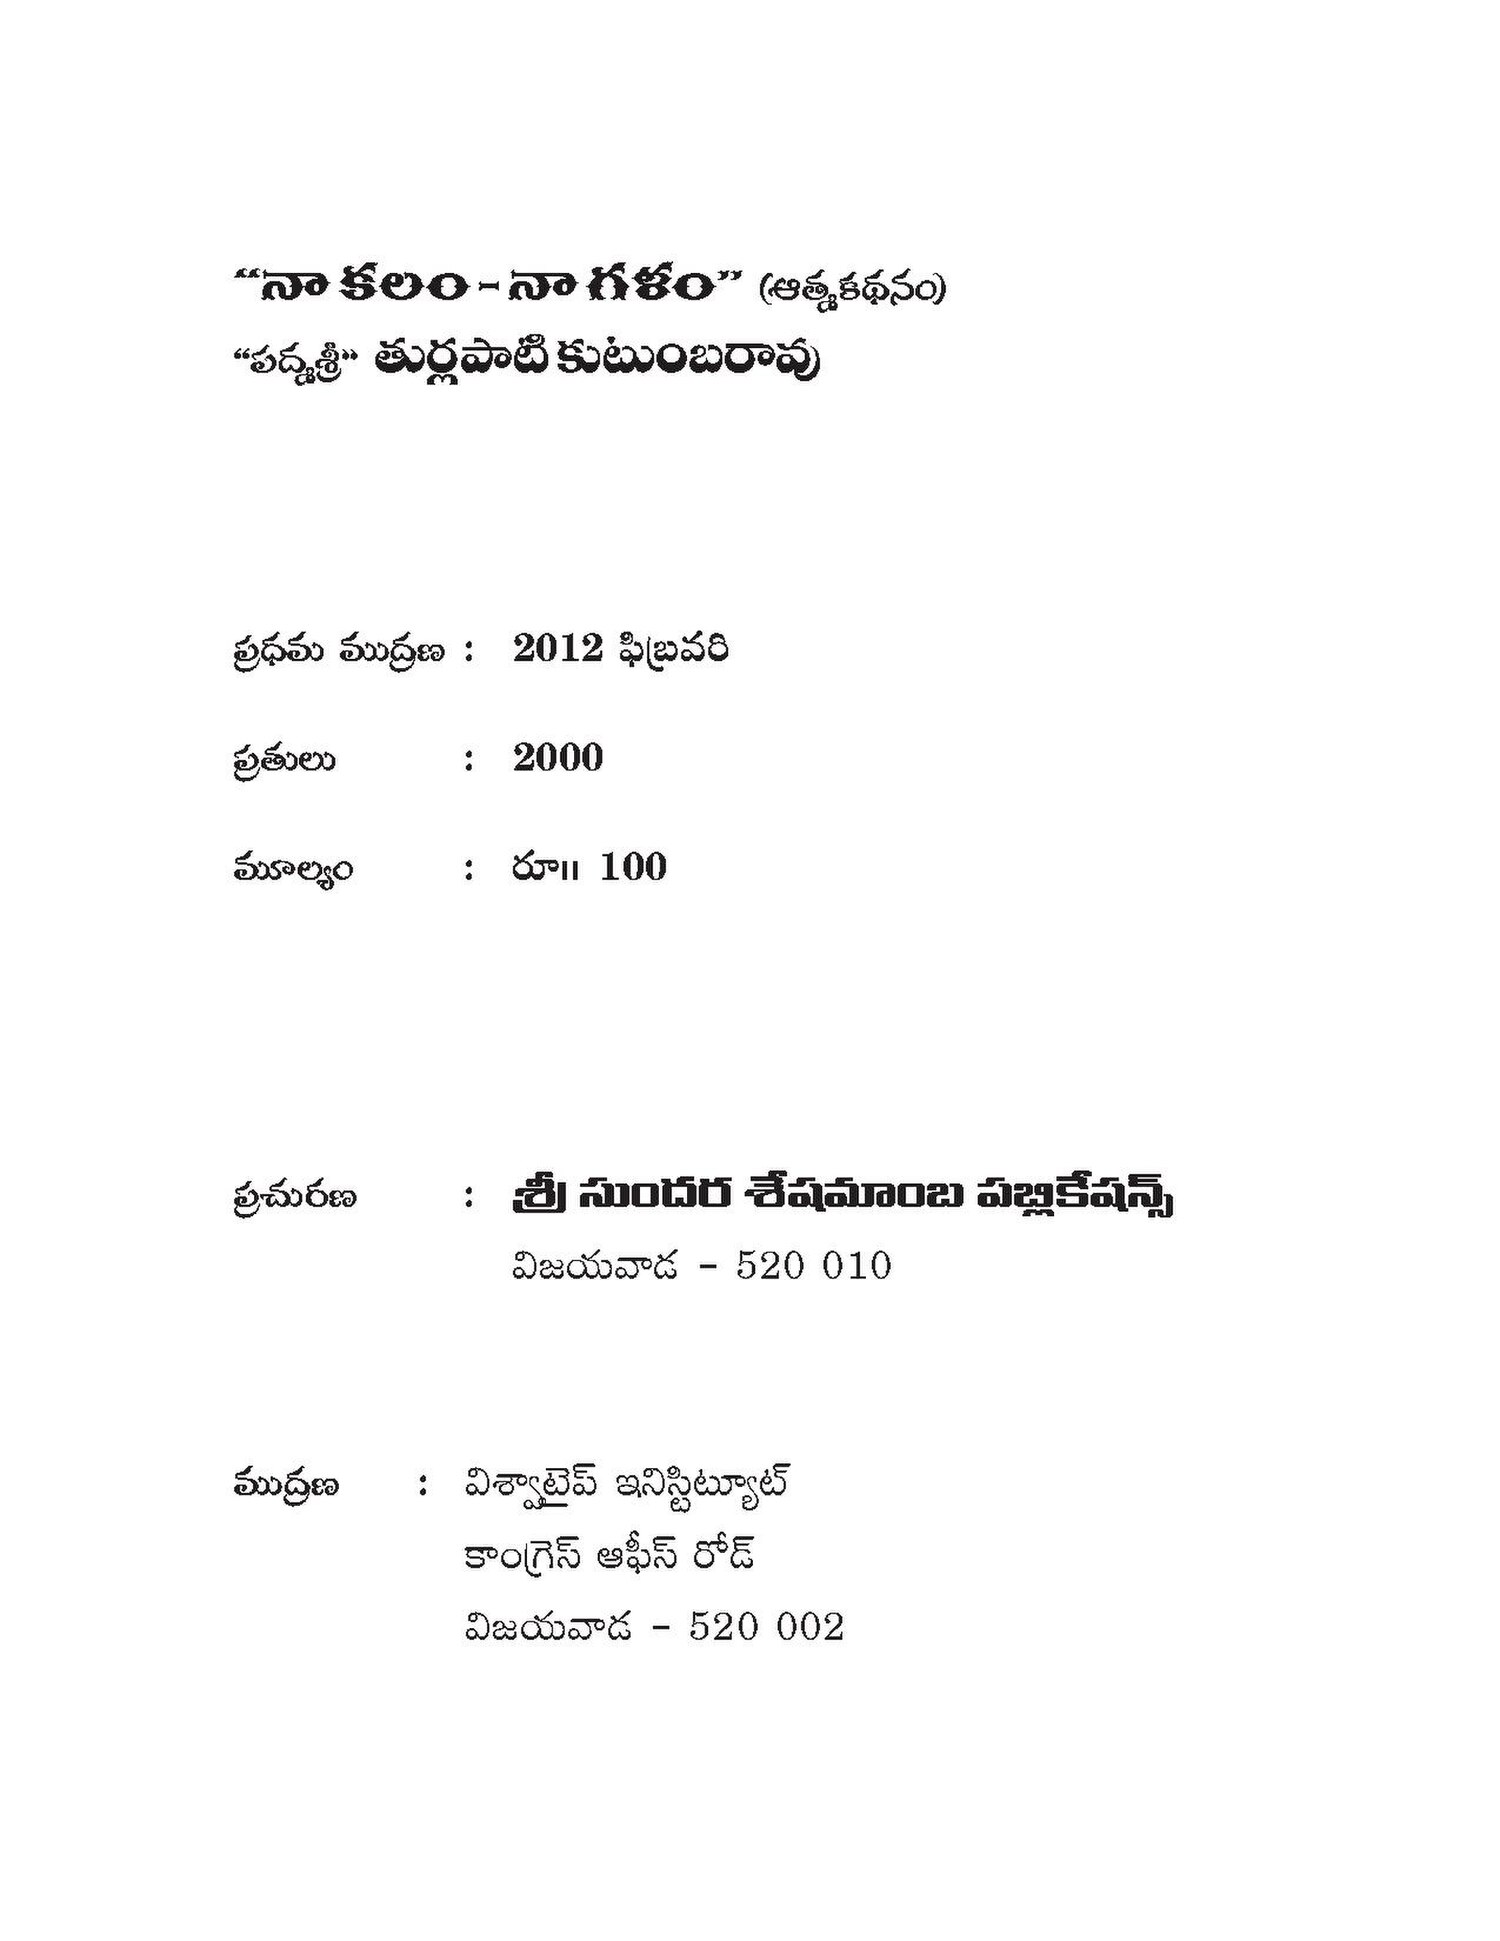ప్రధమ ముద్రణ : 2012 ఫిబ్రవరిప్రతులు: 2000మూల్యం: రూ 100

 ప్రచురణ: శ్రీ సుందర శేషమాంబ పబ్లికేషన్స్‌ విజయవాడ - 520 010

 ముద్రణ: విశ్వాటైప్‌ ఇనిస్టిట్యూట్ కాంగ్రెస్‌ ఆఫీస్‌ రోడ్‌ విజయవాడ - 520 002